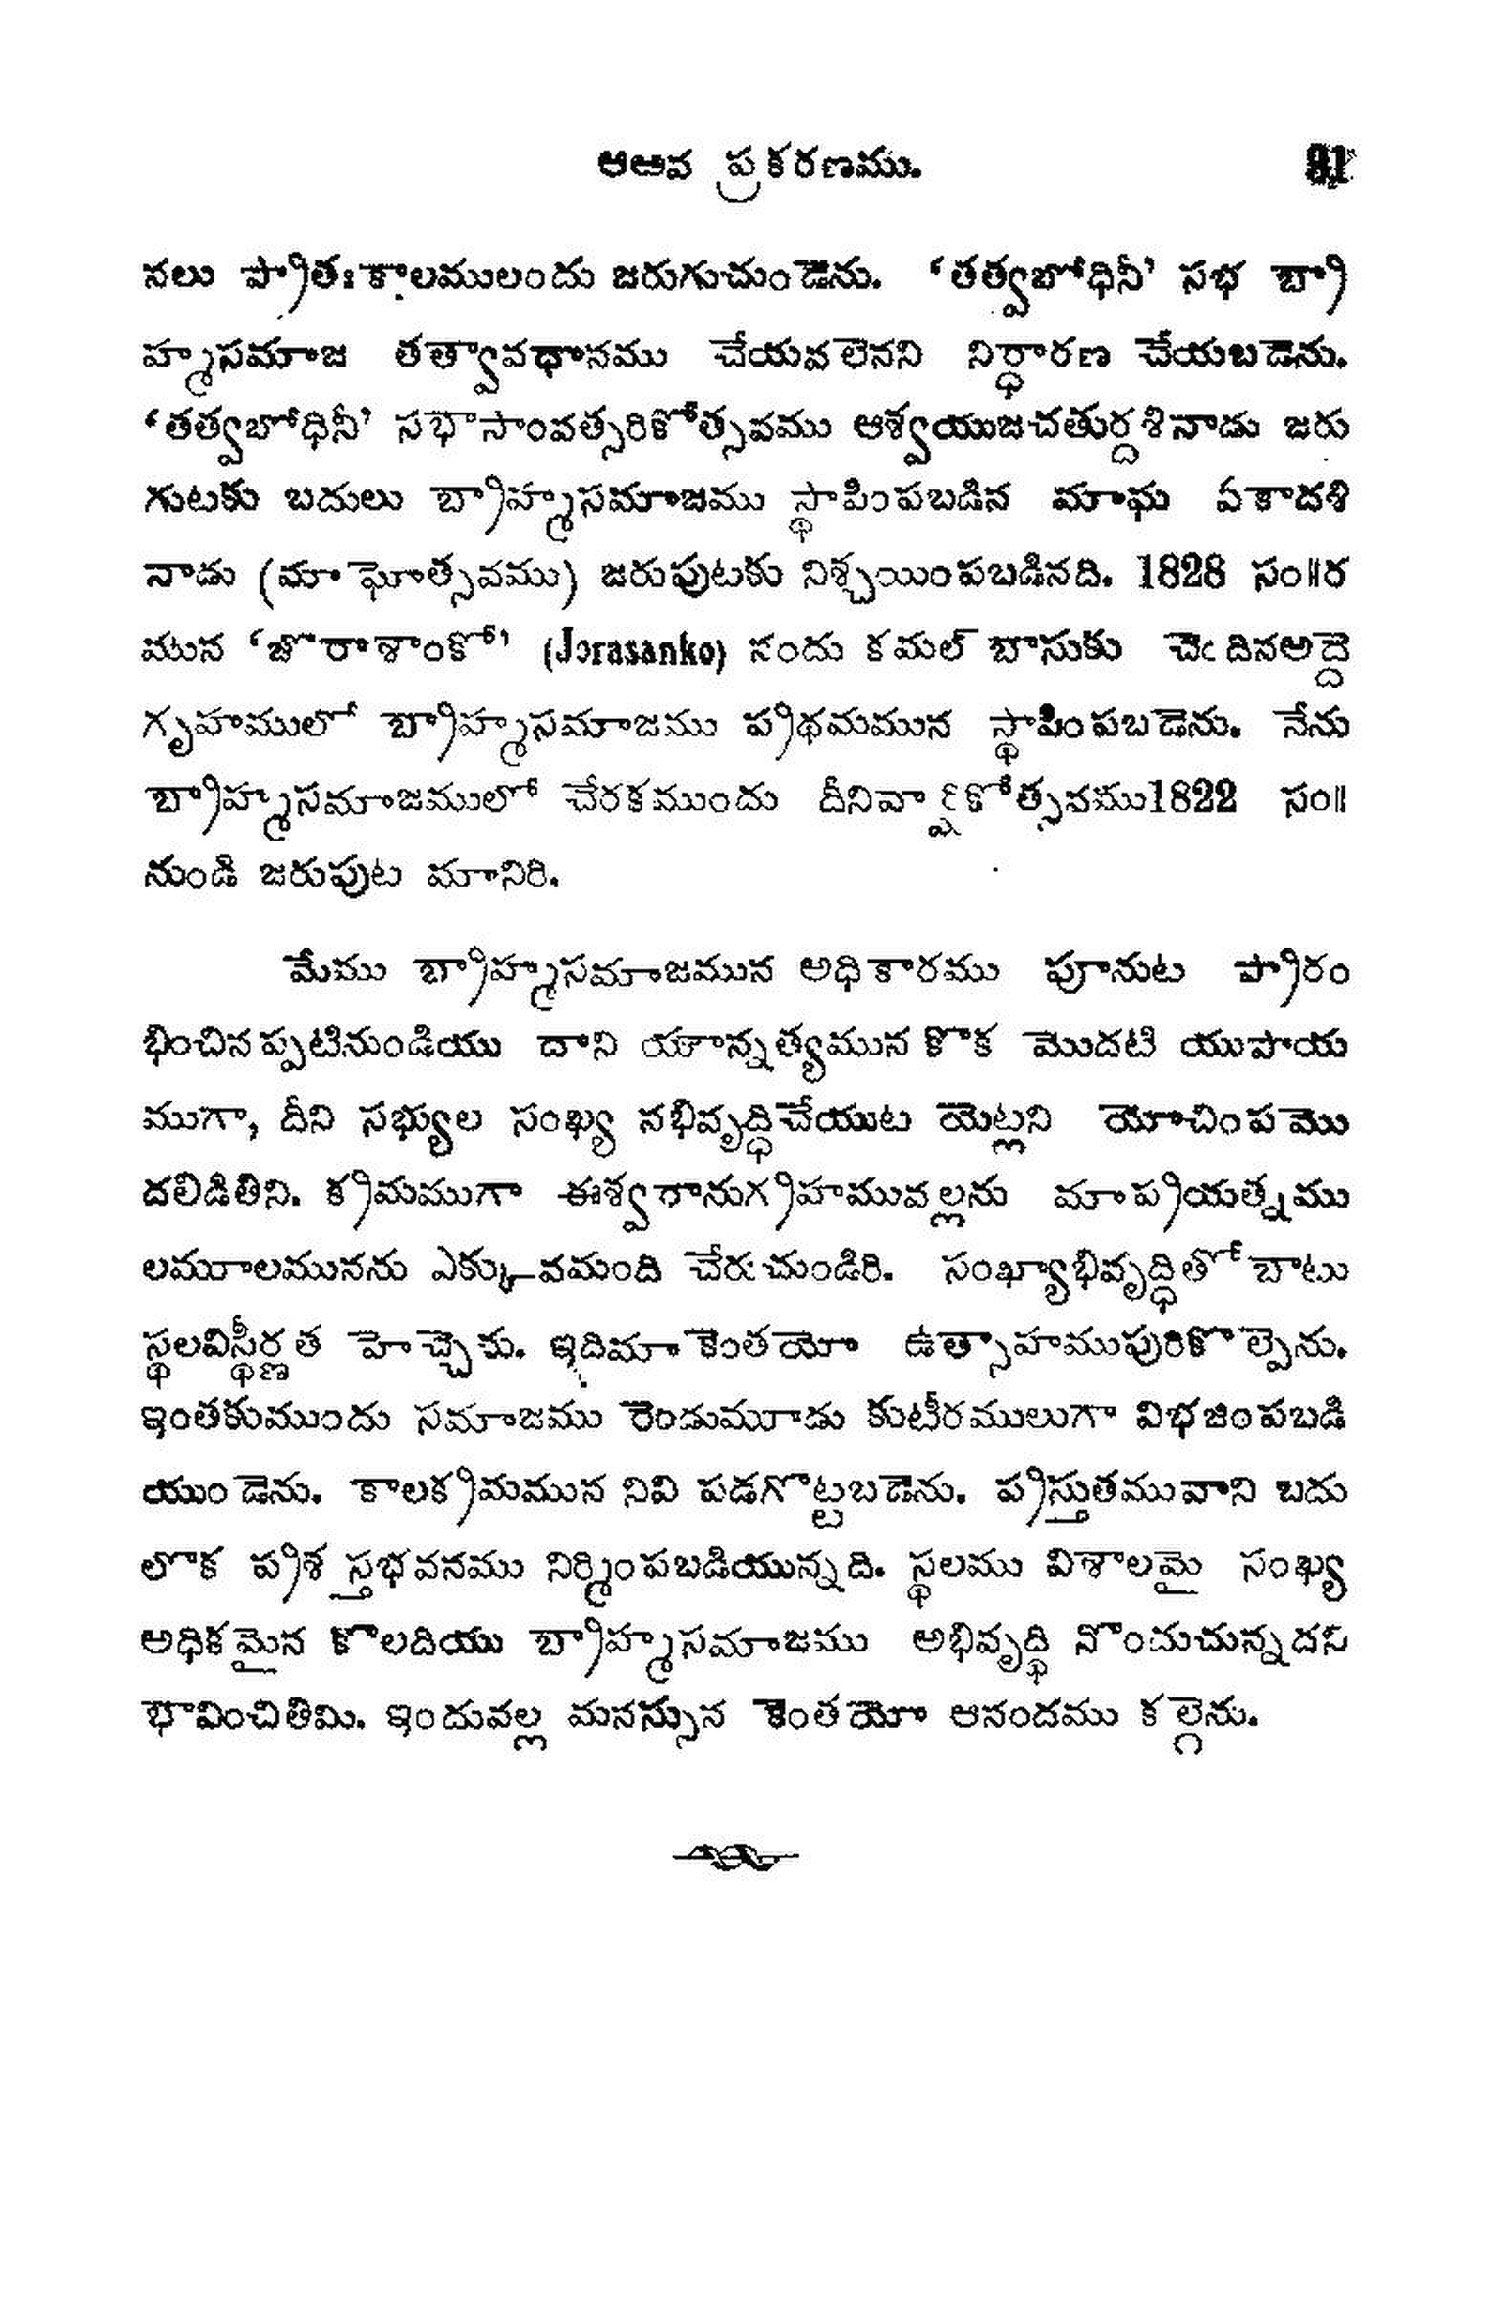సలు ప్రాతః కాలములందు జరుగుచుండెను. 'తత్వబోధినీ' సభ బ్రాహ్మసమాజ తత్వావధానము చేయవ లెననినిర్ధారణ చేయబడెను.* తత్వబోధినీ' సభాసాంవత్సరికోత్సవము ఆశ్వయుజ చతుర్ధశి నాడు జరుగుటకు బదులు బాహ్మసమాజము స్థాపింపబడిన మాఘ ఏకాదశినాడు (మాఘోత్సవము) జరుపుటకు నిశ్చయింపబడినది. 1828 సం\\ర. మున 'జోరాశాంకో' (Jorasanko సందు కమల్ బాసుకు చెందిన అద్దెగృహములో బ్రాహ్మసమాజము ప్రథమమున స్థాపింపబడెను. నేనుబాహ్మసమాజములో చేరకముందు దీనివార్షికోత్సవము 1822 సం!! నుండి జరుపుట మానిరి,

మేము బాహ్మసమాజమున అధికారము పూనుట ప్రారంభించి నప్పటినుండియు దాని యన్నత్యమున కొక మొదటి యుపాయముగా, దీని సభ్యుల సంఖ్య నభివృద్ధి చేయుట యెట్లని యోచింప మొదలిడితిని. క్రమముగా ఈశ్వరానుగ్రహము వల్లను మాప్రయత్నము
లమూలమునను ఎక్కువమంది చేరుచుండిరి. సంఖ్యాభివృద్ధితో బాటుస్థల విస్థీర్ణత హెచ్చెరు. ఇదిమాకెంతయో ఉత్సాహము పురికొల్పెను.ఇంతకుముందు సమాజము రెండు మూడు కుటీరములుగా విభజింపబడి యుండెను. కాలక్రమమున నివి పడగొట్టబడెను. ప్రస్తుతమువాని బదులొక ప్రశస్తభవనము నిర్మింపబడి యున్నది. స్థలము విశాలమై సంఖ్యఅధికమైన కొలదియు బాహ్మసమాజము అభివృద్ధి నొందుచున్నదనిభావించితిమి. ఇందువల్ల మనస్సున కెంతయో ఆనందము కల్లెను.